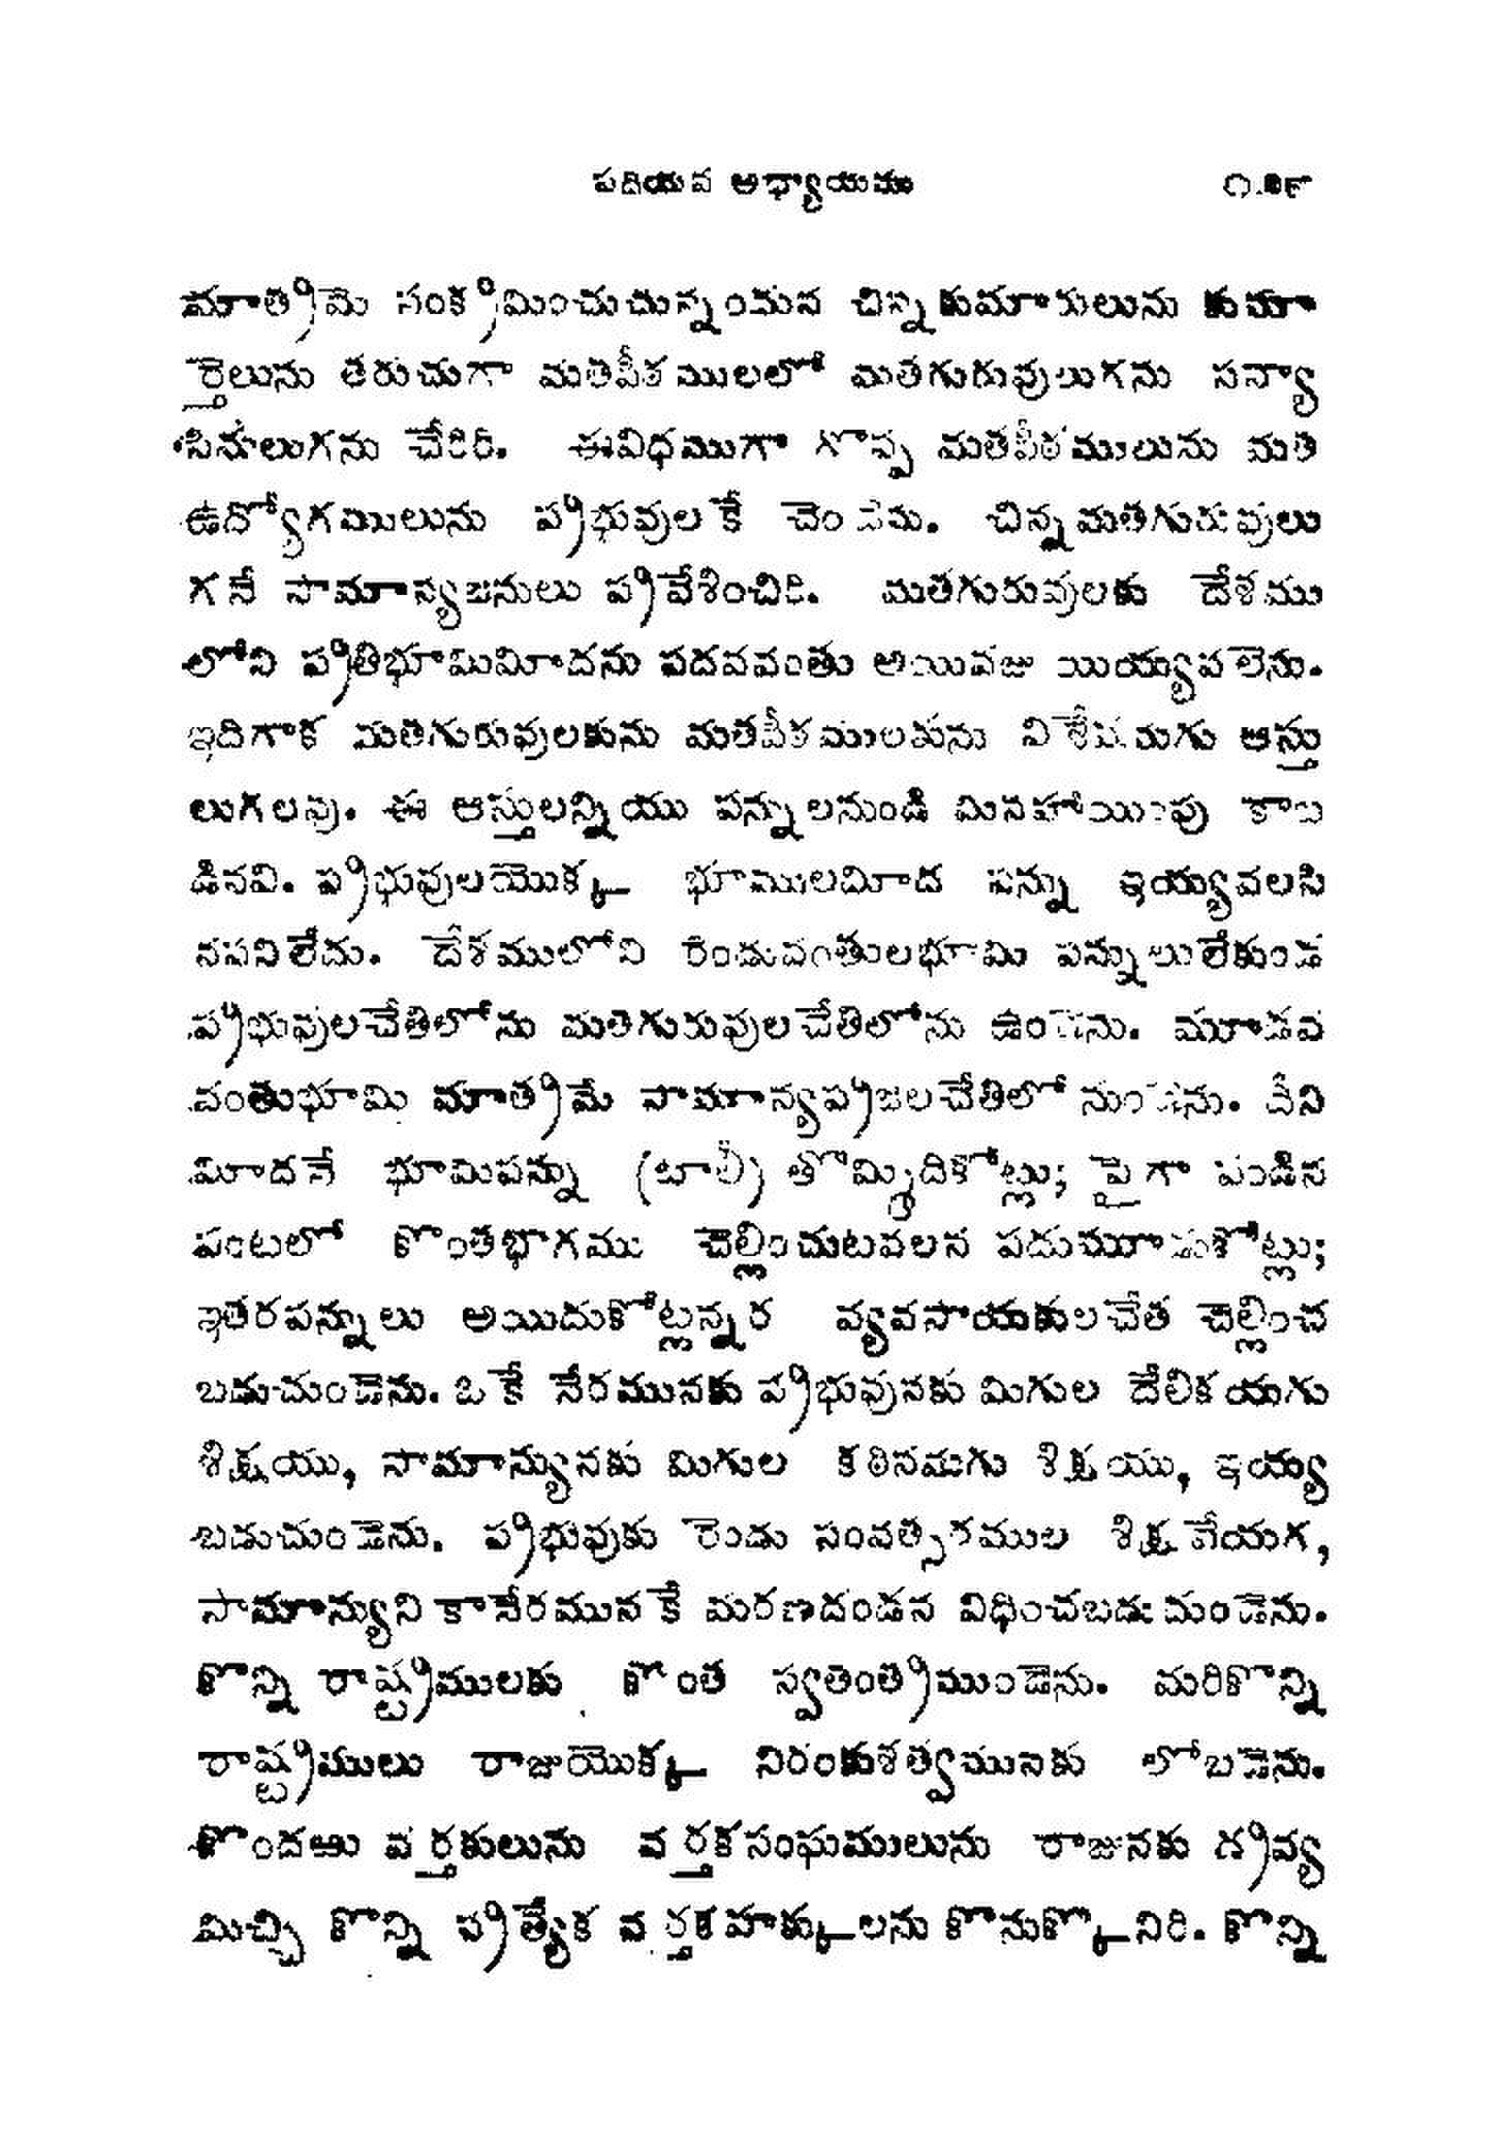మాత్రమే సంక్రమించు చున్నందున చిన్న కుమారులును కుమా
ర్తెలుసు తరుచుగా మత పీఠములలో మతగురువులుగను సన్యా
సినులుగను చేరిరి.ఈవిధముగా గొప్ప మత పీఠములును మత
ఉద్యోగములును ప్రభువులకే చెందెను. చిన్న మతగురువులు
గనే సామాన్య జనులు ప్రవేశించిరి. మతగురువులకు దేశము
లోని ప్రతి భూమి మీదను పదవవంతు అయివజు యియ్యవలెను.
ఇదిగాక మతగురువులకును మతపీఠములకును విశేషమగు ఆస్తు
లుగలవు. ఈ ఆస్తులన్నియు పన్నుల నుండి మినహాయింపు కాబ
డినవి. ప్రభువుల యొక్క భూముల మిద పన్ను ఇయ్యవలసి
నపని లేదు. దేశములోని రెండువంతుల భూమి పన్నులు లేకుండ
ప్రభువుల చేతిలోసు మత గురువుల చేతిలోను ఉండును. మూడు
వంతు భూమి మాత్రమే సామాన్య ప్రజల చేతిలో నుండెను. దీని
మీదనే భూమిపన్ను (టాలీ) తొమ్మిదికోట్లు, పైగా పండిన
పంటలో కొంత భాగము చెల్లించుట వలన పదుమూకోట్లు;
ఇతర పన్నులు అయిదు కోట్లన్నర వ్యవసాయకుల చేత చెల్లించ
బడుచుండెను. ఒకే నేరమునకు ప్రభువునకు మిగుల దేలిక యగు
శిక్షయు, సామాన్యునకు మిగుల కఠినమగు శిక్షయు, ఇయ్య
బడుచుండెను. ప్రభువుకు రెండు సంవత్సరముల శిక్ష వేయగ,
సామాన్యుని కానేరమునకే మరణదండన విధించబడు చుండెను.
కొన్ని రాష్ట్రములకు కొంత స్వతంత్ర ముండెను. మరికొన్ని
రాష్ట్రములు రాజు యొక్క నిరంకుశత్వమునకు లోబడెను.
కొందఱు వర్తకులును వర్తక సంఘములును రాజునకు ద్రవ్య
మిచ్చి కొన్ని ప్రత్యేక వర్తక హక్కులను కొనుక్కొనిరి. కొన్ని